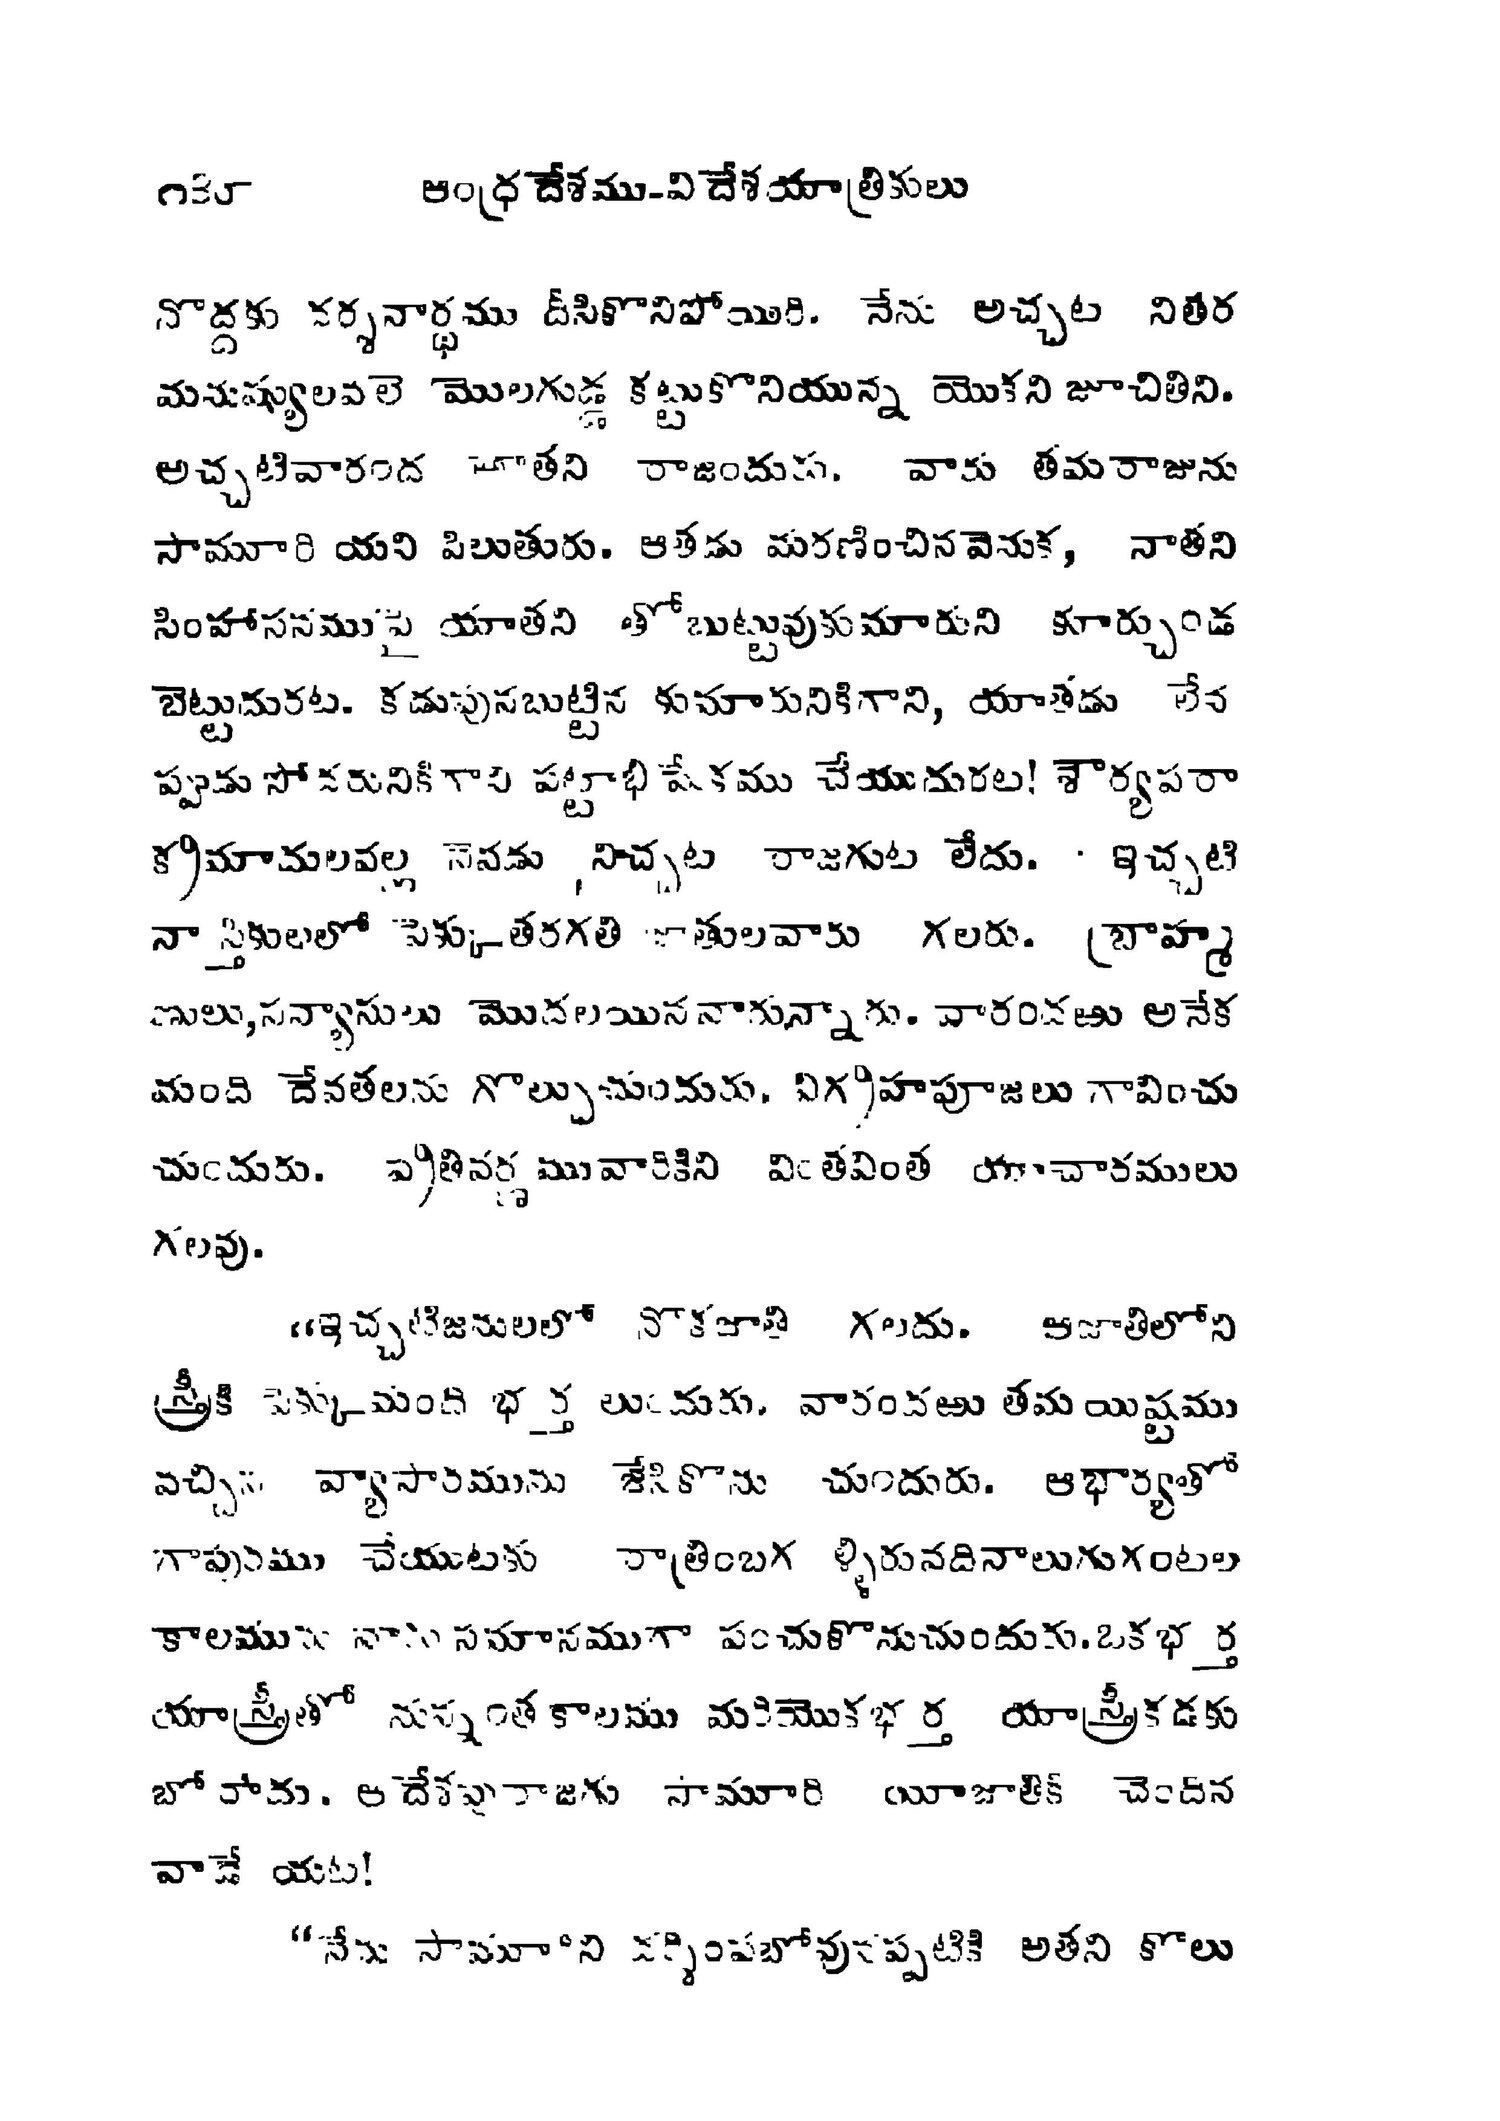నొద్దకు దర్శనార్థము దీసికొని పోయిరి. నేను అచ్చట నితర మనుష్యులవలె మొలగుడ్డ కట్టుకొనియున్న యొకని జూచితిని. అచ్చటి వారంద ఱాతని రాజందురు. వారు తమరాజును సామూరి యని పిలుతురు. ఆతడు మరణించిన వెనుక, నాతని సింహాసనముపై యాతని తోబుట్టువుకుమారుని కూర్చుండ బెట్టుదురట. కడుపున బుట్టిన కుమారునికి గాని, యాతడు లేనప్పుడు సోదరునికి గాని పట్టాభిషేకము చేయుదురట! శౌర్యపరాక్రమాదులవల్ల నెవడు నిచ్చట రాజగుట లేదు. ఇచ్చటి నాస్తికులలో పెక్కు తరగతి జాతులవారు గలరు. బ్రాహ్మణులు, సన్యాసులు మొదలయినవారున్నారు. వారందఱు అనేకమంది దేవతలను గొల్చుచుందురు. విగ్రహపూజలు గావించుచుందురు. ప్రతివర్ణము వారికిని వింతవింత యాచారములు గలవు.

"ఇచ్చటిజనులలో నొకజాతి గలదు. ఆజాతిలోని స్త్రీకి పెక్కుమంది భర్త లుందురు. వారందఱు తమ యిష్టము వచ్చిన వ్యాపారమును జేసికొను చుందురు. ఆభార్యతో గాపురము చేయుటకు రాత్రింబగ ళ్ళిరువదినాలుగుగంటల కాలమును వారుసమానముగా పంచు కొనుచుందురు. ఒకభర్త యాస్త్రీతో నున్నంతకాలము మరియొక భర్త యాస్త్రీకడకు బోరాదు. ఆదేశపు రాజగు సామూరి యీజాతికి చెందినవాడే యట!

"నేను సామూరిని దర్శింప బోవునప్పటికి అతని కొలు